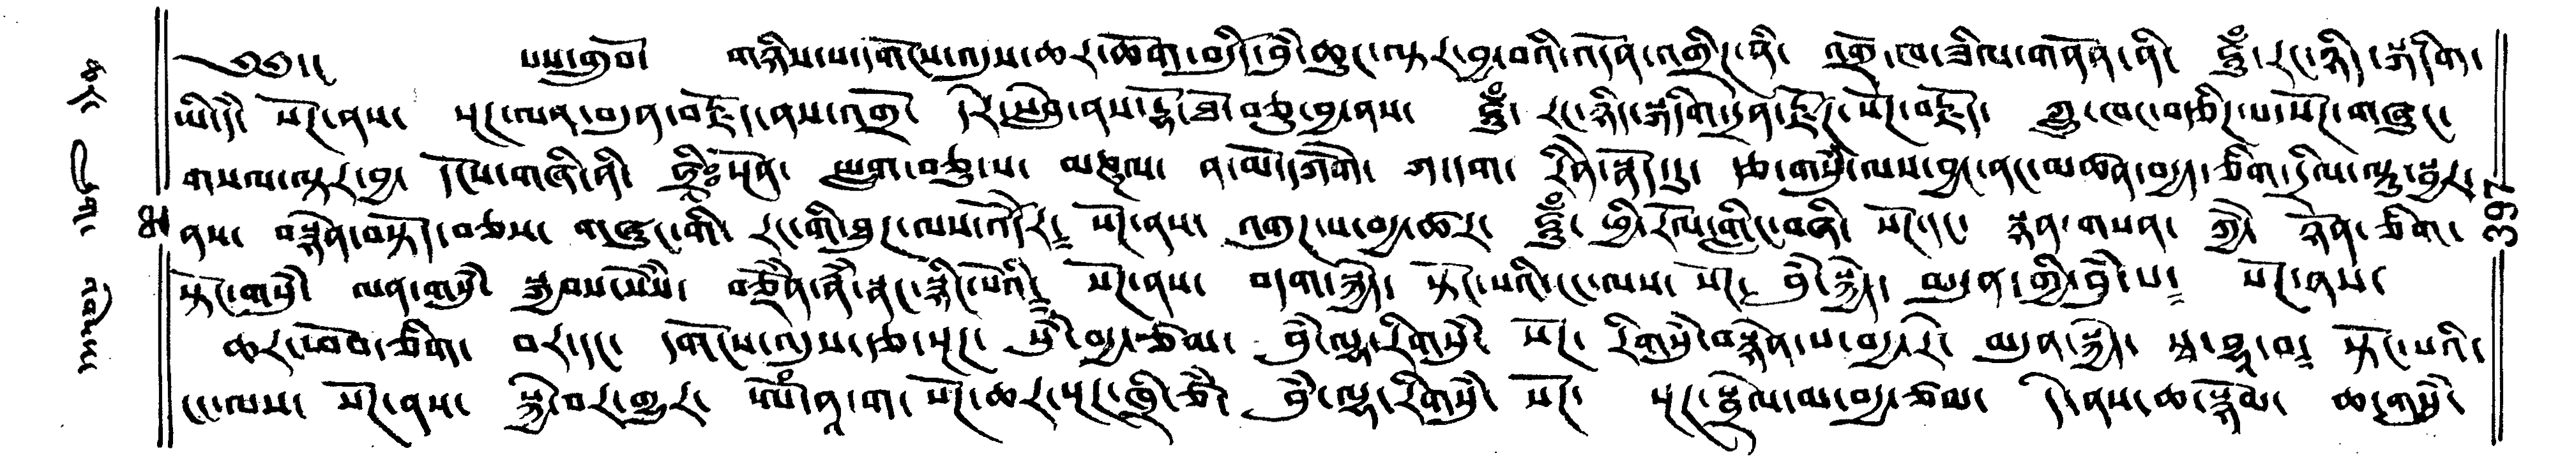པས་གྲུབ་བོ། གཉིས་པ་དགོངས་འདུས་ཆར་ཆོག་བདུད་རྩི་བུམ་ཆུང་ལྟར་བྱ་བའི་འདོན་འགྲིགས་ནི། འགྲོ་ཁར་ཟིལ་གནོན་ནི། ཧཱུྃ༔རང་ཉིད་སྐད་ཅིག་
ཡི་དམ༴ སོགས་ནས། སྔགས་ལན་བདུན་བརྗོད་ནས་འགྲོ། དེར་སླེབ་ནས་རྡོ་ཐོ་བཅུ་བྱས་ནས། ཧཱུྃ༔ རང་ཉིད་སྐད་ཅིག་དྲན་རྫོགས༴ སོགས་བརྗོད། ཀླུ་ཁང་བརྩིག་པ་སོགས་གཞུང་
གསལ་ལྟར་བྱ། དངོས་གཞི་ནི། ཧྲཱིཿསྔོན༴ ཡན་ལག་བཅུ་པ། མཎྜལ། ན་མོ༔དཀོན་མཆོག ཀ་དག༴ རིན་ཆེན་སྣོད་དུ༴ རྩ་གསུམ་ལས་བྱང་ནང་མཚན་བརྒྱད་ཅིག་དྲིལ་ལྟ་བུ་སྦྱར་
ནས། བསྙེན་བསྟོད་བཅས། གཞུང་ག ི རང་གི་ཐུགས་ལས་འོད་ཟེར༴ སོགས་ནས། འགུགས་པ་བརྒྱ་ཚར། ཧཱུྃ། ཕྱི་རོལ་གླིང་བཞི༴ སོགས་དང་། སྙན་གསན། ཀྱཻ། ཉོན་ཅིག་
སྟོང་གསུམ༴ ལན་གསུམ། སྐྱབས་སེམས། བཅོམ་ལྡན་རྣམ་སྣང་སྙིང་པོའི༴ སོགས་ནས། བདག་སྐྱེད། སྟོང་པའི་ངང་ལས། སོགས། བུམ་སྐྱེད། མདུན་གྱི་བུམ་པ༴ སོགས་ནས། 
ཆར་ཕོབ་ཅིག བར་དང་། དགོངས་འདུས་རྩ་སྔགས་སུམ་བརྒྱ་ཙམ། བུམ་ལྷ་རིགས་གསུམ༴ སོགས། རིགས་གསུམ་བསྙེན་པ་བརྒྱ་རེ། མདུན་སྐྱེད། སྭ་བྷཱ་བ༴ སྟོང་པའི་
ངང་ལས༴ སོགས་ནས། སྐྱེ་བར་གྱུར། ཨོཾ་ནཱ་ག་སོགས་ཆར་སྔགས་ཁྲི་ཙམ། བུམ་ལྷ་རིགས་གསུམ༴སོགས། སྔགས་སྦྲེལ་མ་བརྒྱ་ཙམ། དེ་ནས་ཆ་སྙོམ། ཆ་གསུམ།